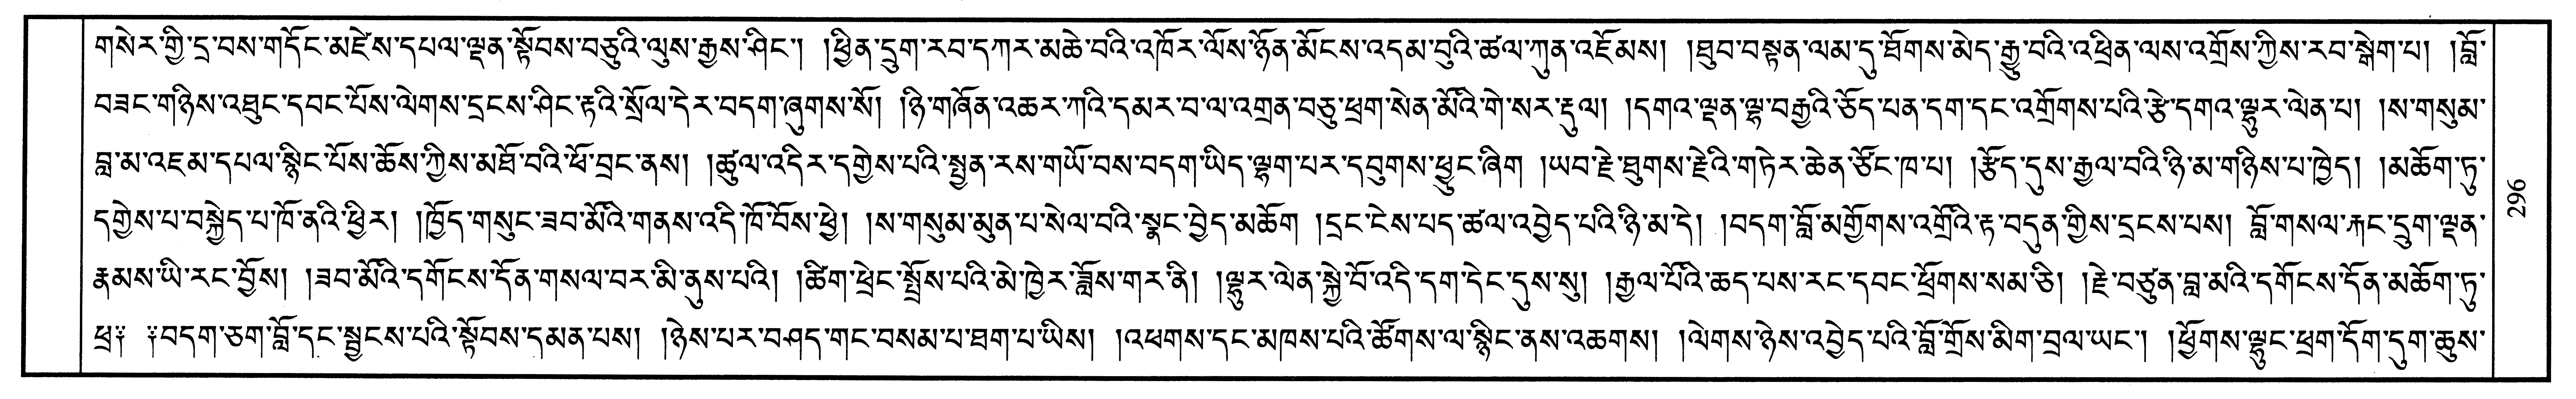གསེར་གྱི་དྲ་བས་གདོང་མཛེས་དཔལ་ལྡན་སྟོབས་བཅུའི་ལུས་རྒྱས་ཤིང་། །ཕྱིན་དྲུག་རབ་དཀར་མཆེ་བའི་འཁོར་ལོས་ཉོན་མོངས་འདམ་བུའི་ཚལ་ཀུན་འཇོམས། །ཐུབ་བསྟན་ལམ་དུ་ཐོགས་མེད་རྒྱུ་བའི་འཕྲིན་ལས་འགྲོས་ཀྱིས་རབ་སྒེག་པ། །བློ་
བཟང་གཉིས་འཐུང་དབང་པོས་ལེགས་དྲངས་ཤིང་རྟའི་སྲོལ་དེར་བདག་ཞུགས་སོ། །ཉི་གཞོན་འཆར་ཀའི་དམར་བ་ལ་འགྲན་བཅུ་ཕྲག་སེན་མོའི་གེ་སར་རྡུལ། །དགའ་ལྡན་ལྷ་བརྒྱའི་ཅོད་པན་དག་དང་འགྲོགས་པའི་རྩེ་དགའ་ལྷུར་ལེན་པ། །ས་གསུམ་
བླ་མ་འཇམ་དཔལ་སྙིང་པོས་ཆོས་ཀྱིས་མཐོ་བའི་ཕོ་བྲང་ནས། །ཚུལ་འདིར་དགྱེས་པའི་སྤྱན་རས་གཡོ་བས་བདག་ཡིད་ལྷག་པར་དབུགས་ཕྱུང་ཞིག །ཡབ་རྗེ་ཐུགས་རྗེའི་གཏེར་ཆེན་ཙོང་ཁ་པ། །རྩོད་དུས་རྒྱལ་བའི་ཉི་མ་གཉིས་པ་ཁྱེད། །མཆོག་ཏུ་
དགྱེས་པ་བསྐྱེད་པ་ཁོ་ནའི་ཕྱིར། །ཁྱོད་གསུང་ཟབ་མོའི་གནས་འདི་ཁོ་བོས་ཕྱེ། །ས་གསུམ་མུན་པ་སེལ་བའི་སྣང་བྱེད་མཆོག །དྲང་ངེས་པད་ཚལ་འབྱེད་པའི་ཉི་མ་དེ། །བདག་བློ་མགྱོགས་འགྲོའི་རྟ་བདུན་གྱིས་དྲངས་པས། བློ་གསལ་རྐང་དྲུག་ལྡན་
རྣམས་ཡི་རང་བྱོས། །ཟབ་མོའི་དགོངས་དོན་གསལ་བར་མི་ནུས་པའི། །ཚིག་ཕྲེང་སྤྲོས་པའི་མེ་ཁྱེར་ཟློས་གར་ནི། །ལྷུར་ལེན་སྐྱེ་བོ་འདི་དག་དེང་དུས་སུ། །རྒྱལ་པོའི་ཆད་པས་རང་དབང་ཕྲོགས་སམ་ཅི། །རྗེ་བཙུན་བླ་མའི་དགོངས་དོན་མཆོག་ཏུ་
ཕྲ༑ ༑བདག་ཅག་བློ་དང་སྦྱངས་པའི་སྟོབས་དམན་པས། །ཉེས་པར་བཤད་གང་བསམ་པ་ཐག་པ་ཡིས། །འཕགས་དང་མཁས་པའི་ཚོགས་ལ་སྙིང་ནས་འཆགས། །ལེགས་ཉེས་འབྱེད་པའི་བློ་གྲོས་མིག་བྲལ་ཡང་། །ཕྱོགས་ལྷུང་ཕྲག་དོག་དུག་ཆུས་